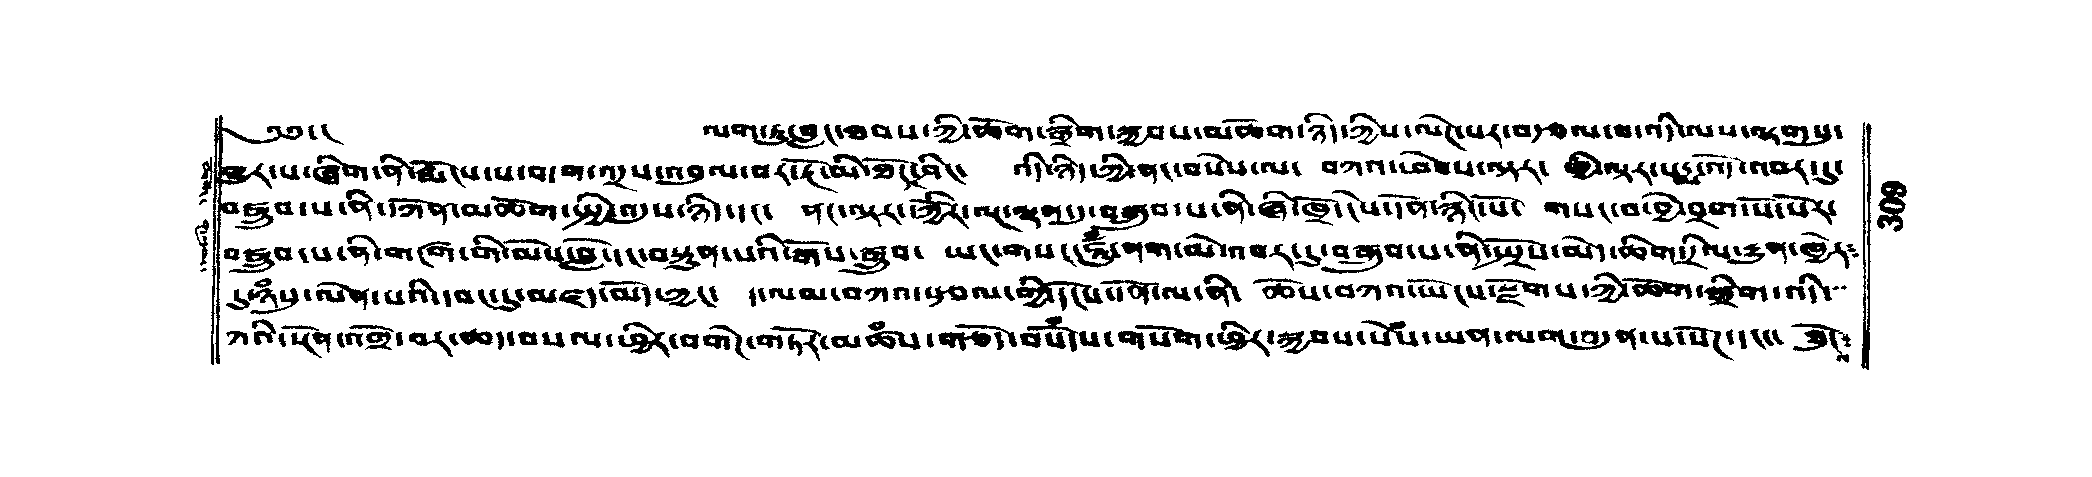ལག་ཏུ་བླང་ཐབས་ཀྱི་ཆོག་སྒྲིག་སྐྱབས་མཆོག་ཉིད་ཀྱིས་ལེགས་པར་བརྩལ་བ་འདི་ལས་ལྷགས་སུ་
གྱུར་བ་ཞིག་ནི་རྨོངས་པ་བདག་འདྲས་འབུལ་བར་རྔོ་མི་ཐོགས་ཤིང་། འདི་ཉིད་ནང་གསེས་ལ། བཀའ་ཕེབས་ལྟར། ཕྱི་ལྟར་པདྨ་འོད་འབར་དུ་
བསྒྲུབ་པ་ནི་དཀོན་མཆོག་སྤྱི་མདུས་ཉིད་དང་། ནང་ལྟར་དཀྱིལ་འཁོར་ལྔ་ལྡན་དུ་བསྒྲུབ་པ་ནི་ཞི་ཁྲོ་ཤེས་དོན་སྙིང་པོ། གསང་བ་བྱེ་བྲག་སོ་སོར་
བསྒྲུབ་པ་ནི་གདམས་ངག་གི་མོས་བློ་དང་བསྟུན་པའི་སྒོས་སྒྲུབ། ཡང་གསང་ཧཱུྂ་ནག་མེ་འབར་དུ་བསྒྲུབ་པ་ནི་སྤྲོས་་མེད་ཆིག་དྲིལ་རྒྱུན་ཁྱེར་
དུ་ཉམས་སུ་ལེན་པའི་དབང་དུ་མཛད་མོད་ཀྱང་། ད་ལམ་བཀའ་སྩལ་གྱི་དངོས་དོན་ལ་ནི། ཆོས་བཀའ་ཡོངས་རྫོགས་ཀྱི་ཚིག་སྒྲིག་འདི་
ཀའི་སྔོན་འགྲོ་བར་ཆད་བསལ་ཕྱིར་བགེགས་གཏོར་མཚམས་གཅོད་བསོད་ནམས་གསོག་ཕྱིར་སྐྱབས་སེམས་ཡན་ལག་བདུན་པ་སོགས་དང་། ཐུན་མོང་